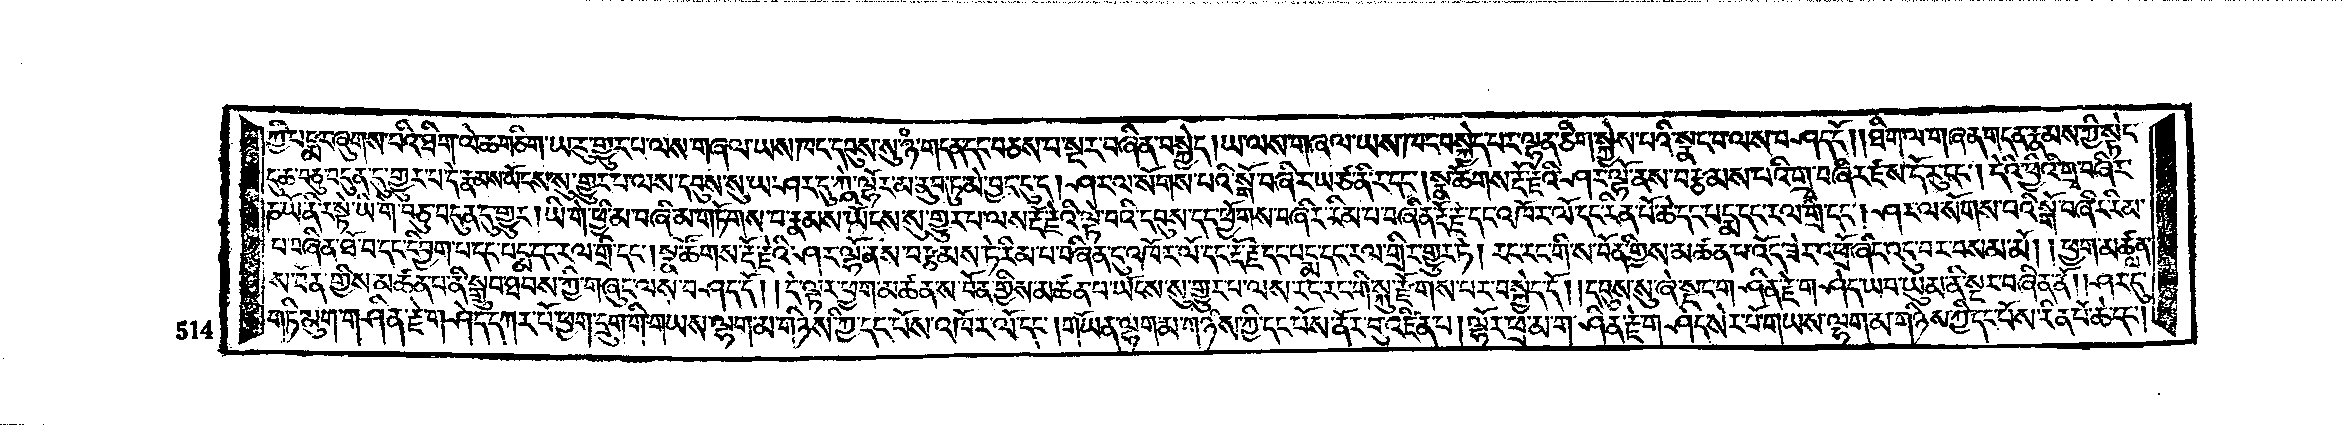ཀྱི་པདམར་ཞུགས་པའི་ཐིག་ལེ་ཆ་གཅིག་ཡ་རུ་གྱུར་པ་ལས་གཞལ་ཡས་ཁང་དབུས་སུ་ཉཾ་གདན་དང་བཅས་པ་སྔར་བཞིན་བསྐྱེད། ཡ་ལས་གཞལ་ཡས་ཁང་བསྐྱེད་པར་ལྷན་ཅིག་སྐྱེས་པའི་སྣང་བ་ལས་བཤད་དོ། །ཐིག་ལ་གཞན་གདན་རྣམས་ཀྱི་སྟེང་
དུ་ཆ་བཅུ་བདུན་དུ་གྱུར་པ་དེ་རྣམས་ཡོངས་སུ་གྱུར་པ་ལས་དབུས་སུ་ཡ་ཤར་དུ་ཀྵེ་ལྷོར་མ་ནུབ་ཏུ་མེ་བྱང་དུ་ད། ཤར་ལ་སོགས་པའི་སྒོ་བཞིར་ཡ་ཙ་ནི་ར་དང་། སྣ་ཚོགས་རྡོ་རྗེའི་ཤར་ལྷོ་ནས་བརྩམས་པའི་གྲྭ་བཞིར་ཛ་ས་དོ་རུ་དང་། དེའི་ཕྱིའི་གྲྭ་བཞིར་
ཎ་ཡོ་ནི་ར་སྟེ་ཡི་གེ་བཅུ་བདུན་དུ་གྱུར། ཡི་གེ་ཕྱི་མ་བཞི་མ་གཏོགས་པ་རྣམས་ཡོངས་སུ་གྱུར་པ་ལས་རྡོ་རྗེའི་ལྟེ་བའི་དབུས་དང་ཕྱོགས་བཞིར་རིམ་པ་བཞིན་རྡོ་རྗེ་དང་འཁོར་ལོ་དང་རིན་པོ་ཆེ་དང་པདམ་དང་རལ་གྲི་དང་། ཤར་ལ་སོགས་པའི་སྒོ་བཞིར་རིམ་
པ་བཞིན་ཐོ་བ་དང་དབྱིག་པ་དང་པདམ་དང་རལ་གྲི་དང་། སྣ་ཚོགས་རྡོ་རྗེའི་ཤར་ལྷོ་ནས་བརྩམས་ཏེ་རིམ་པ་བཞིན་དུ་འཁོར་ལོ་དང་རྡོ་རྗེ་དང་པདམ་དང་རལ་གྲིར་གྱུར་ཏེ། རང་རང་གི་ས་བོན་གྱིས་མཚན་པ་འོད་ཟེར་འཕྲོ་ཞིང་འདུ་བར་བསམ་མོ། །ཕྱག་མཚན་ལ་
ས་བོན་གྱིས་མཚན་པ་ནི་སྒྲུབ་ཐབས་ཀྱི་གཞུང་ལས་བཤད་དོ། །དེ་ལྟར་ཕྱག་མཚན་ས་བོན་གྱིས་མཚན་པ་ཡོངས་སུ་གྱུར་པ་ལས་རང་རང་གི་སྐུ་རྫོགས་པར་བསྐྱེད་དོ། །དབུས་སུ་ཞེ་སྡང་གཤིན་རྗེ་གཤེད་ཡབ་ཡུམ་ནི་སྔར་བཞིན་ནོ། །ཤར་དུ་
གཏི་མུག་གཤིན་རྗེ་གཤེད་དཀར་པོ་ཕྱག་དྲུག་གི་གཡས་ལྷག་མ་གཉིས་ཀྱི་དང་པོས་འཁོར་ལོ་དང་། གཡོན་ལྷག་མ་གཉིས་ཀྱི་དང་པོས་ནོར་བུ་འཛིན་པ། ལྷོར་ཕྲ་མ་གཤིན་རྗེ་གཤེད་སེར་པོ་གཡས་ལྷག་མ་གཉིས་ཀྱི་དང་པོས་རིན་པོ་ཆེ་དང་།